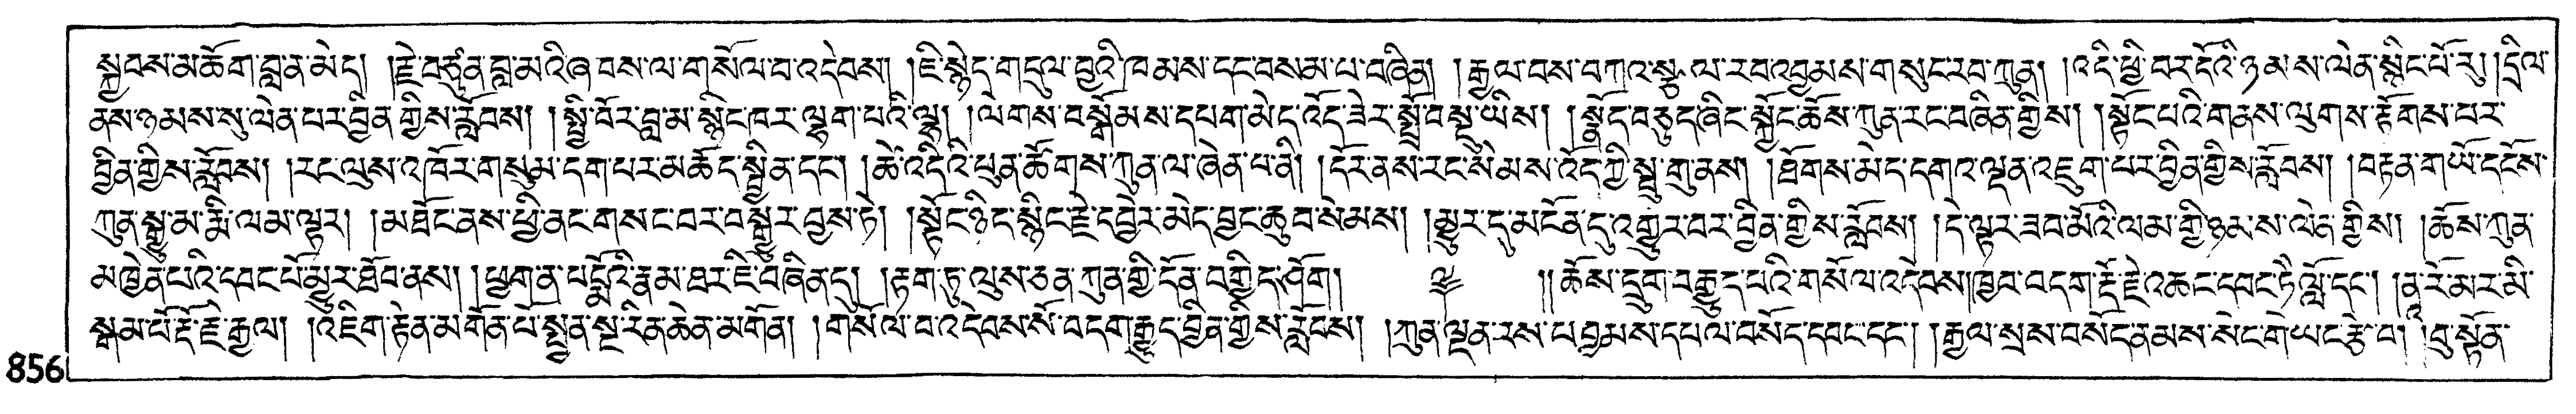སྐྱབས་མཆོག་བླ་ན་མེད། །རྗེ་བཙུན་བླ་མའི་ཞབས་ལ་གསོལ་བ་འདེབས། །ཇི་སྙེད་གདུལ་བྱའི་ཁམས་དང་བསམ་པ་བཞིན། །རྒྱལ་བས་བཀའ་སྩལ་རབ་འབྱམས་གསུང་རབ་ཀུན། །འདི་ཕྱི་བར་དོའི་ཉམས་ལེན་སྙིང་པོ་རུ། །དྲིལ་
ནས་ཉམས་སུ་ལེན་པར་བྱིན་གྱིས་རློབས། །སྤྱི་བོར་བླ་མ་སྙིང་ཁར་ལྷག་པའི་ལྷ། །ལེགས་བསྒོམས་དཔག་མེད་འོད་ཟེར་སྤྲོ་བསྡུ་ཡིས། །སྣོད་བཅུད་ཞིང་སྐྱོང་ཆོས་ཀུན་རང་བཞིན་གྱིས། །སྟོང་པའི་གནས་ལུགས་རྟོགས་པར་
བྱིན་གྱིས་རློབས། །རང་ལུས་འཁོར་གསུམ་དག་པར་མཆོད་སྦྱིན་དང་། །ཚེ་འདིའི་ཕུན་ཚོགས་ཀུན་ལ་ཞེན་པ་ནི། །དོར་ནས་རང་སེམས་འོད་ཀྱི་སྦུ་གུ་ནས། །ཐོགས་མེད་དགའ་ལྡན་འཇུག་པར་བྱིན་གྱིས་རློབས། །བརྟན་གཡོ་དངོས་
ཀུན་སྒྱུ་མ་རྨི་ལམ་ལྟར། །མཐོང་ནས་ཕྱི་ནང་གསང་བར་བསྒྱུར་བྱས་ཏེ། །སྟོང་ཉིད་སྙིང་རྗེ་དབྱེར་མེད་བྱང་ཆུབ་སེམས། །མྱུར་དུ་མངོན་དུ་འགྱུར་བར་བྱིན་གྱིས་རློབས། །དེ་ལྟར་ཟབ་མོའི་ལམ་གྱི་ཉམས་ལེན་གྱིས། །ཆོས་ཀུན་
མཁྱེན་པའི་དབང་པོ་མྱུར་ཐོབ་ནས། །ཕྱག་ན་པདམོའི་རྣམ་ཐར་ཇི་བཞིན་དུ། །རྟག་ཏུ་ལུས་ཅན་ཀུན་གྱི་དོན་བགྱིད་ཤོག ། ༈ །།ཆོས་དྲུག་བརྒྱུད་པའི་གསོལ་འདེབས། ཁྱབ་བདག་རྡོ་རྗེ་འཆང་དབང་ཏཻ་ལློ་དང་། །ནཱ་རོ་མར་མི་
སྒམ་པོ་རྡོ་རྗེ་རྒྱལ། །འཇིག་རྟེན་མགོན་པོ་སྤྱན་སྔ་རིན་ཆེན་མགོན། །གསོལ་བ་འདེབས་སོ་བདག་རྒྱུད་བྱིན་གྱིས་རློབས། །ཀུན་ལྡན་རས་པ་བྱམས་དཔལ་བསོད་དབང་དང་། །རྒྱལ་སྲས་བསོད་ནམས་སེང་གེ་ཡང་རྩེ་བ། །བུ་སྟོན་